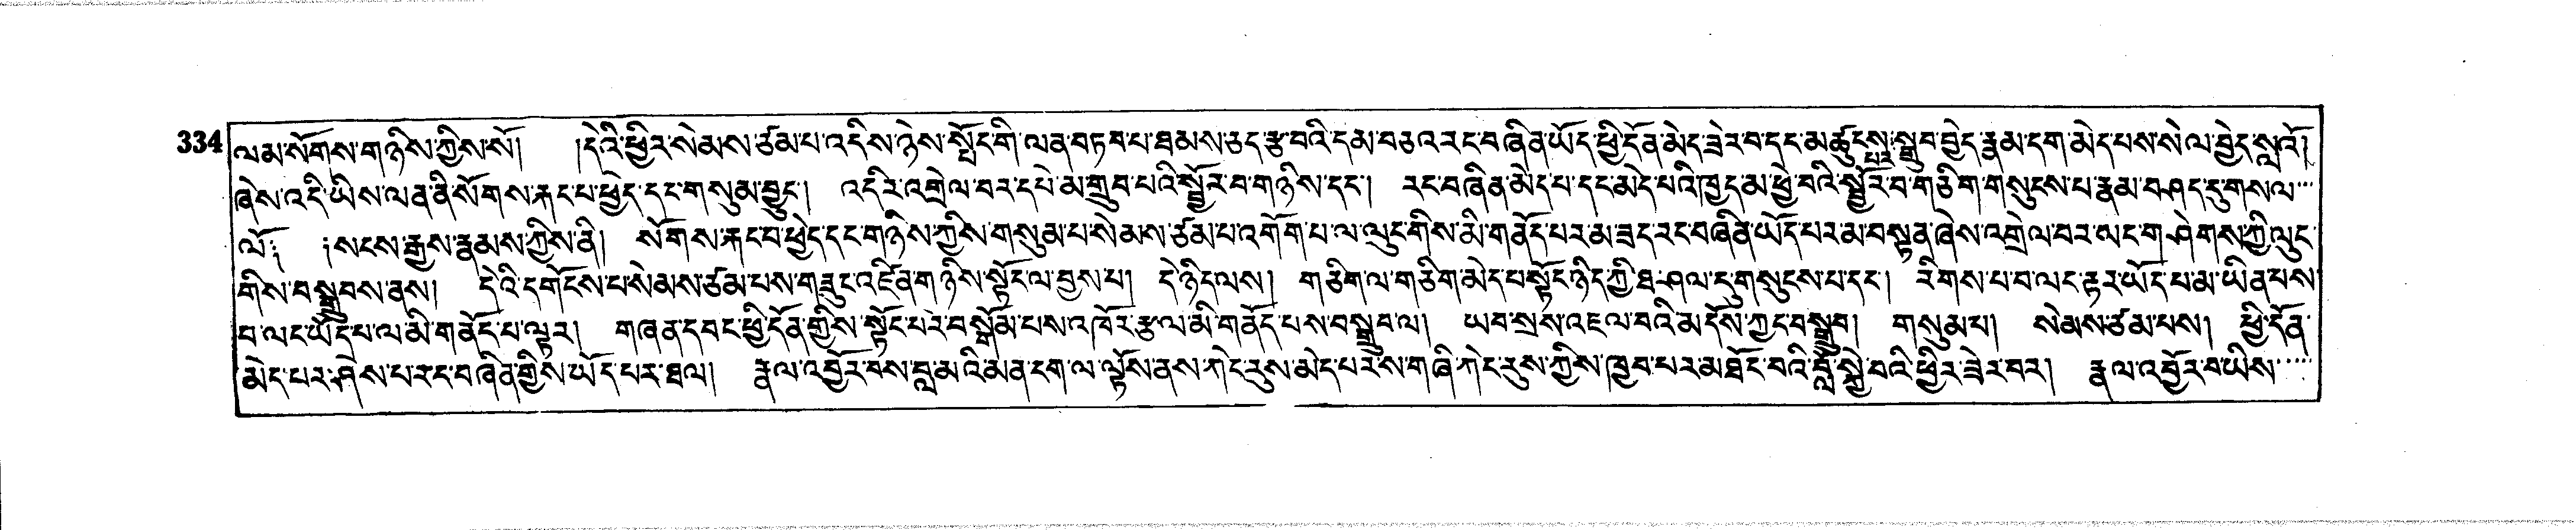ལམ་སོགས་གཉིས་ཀྱིས་སོ། །དེའི་ཕྱིར་སེམས་ཙམ་པ་འདིས་ཉེས་སྤོང་གི་ལན་བཏབ་པ་ཐམས་ཅད་རྩ་བའི་དམ་བཅའ་རང་བཞིན་ཡོད་ཕྱི་དོན་མེད་ཟེར་བ་དང་མཚུངས་པར་སྒྲུབ་བྱེད་རྣམ་དག་མེད་པས་སེལ་བྱེད་སླའོ།
ཞེས་འདི་ཡིས་ལན་ནི་སོགས་རྐང་པ་ཕྱེད་དང་གསུམ་བྱུང་། འདིར་འགྲེལ་བར་དཔེ་མ་གྲུབ་པའི་སྦྱོར་བ་གཉིས་དང་། རང་བཞིན་མེད་པ་དང་མེད་པའི་ཁྱད་མ་ཕྱེ་བའི་སྦྱོར་བ་གཅིག་གསུངས་པ་རྣམ་བཤད་དུ་གསལ་
ལོ། །སངས་རྒྱས་རྣམས་ཀྱིས་ནི། སོགས་རྐང་བ་ཕྱེད་དང་གཉིས་ཀྱིས་གསུམ་པ་སེམས་ཙམ་པ་འགོག་པ་ལ་ལུང་གིས་མི་གནོད་པར་མ་ཟད་རང་བཞིན་ཡོད་པར་མ་བསྟན་ཞེས་འགྲེལ་བར་ལང་གཤེགས་ཀྱི་ལུང་
གིས་བསྒྲུབས་ནས། དེའི་དགོངས་པ་སེམས་ཙམ་པས་གཟུང་འཛིན་གཉིས་སྟོང་ལ་བྱས་པ། དེ་ཉིད་ལས། གཅིག་ལ་གཅིག་མེད་པ་སྟོང་ཉིད་ཀྱི་ཐ་ཤལ་དུ་གསུངས་པ་དང་། རིགས་པ་བ་ལང་རྟར་ཡོད་པ་མ་ཡིན་པས་
བ་ལང་ཡོད་པ་ལ་མི་གནོད་པ་ལྟར། གཞན་དབང་ཕྱི་དོན་གྱིས་སྟོང་བ་རེ་བསྒོམ་པས་འཁོར་རྩལ་མི་གནོད་པས་བསྒྲུབ་ལ། ཡབ་སྲས་འཇལ་བའི་མདོས་ཀྱང་བསྒྲུབ། གསུམ་པ། སེམས་ཙམ་པས། ཕྱི་དོན་
མེད་པར་ཤེས་པ་རང་བཞིན་གྱིས་ཡོད་པར་ཐལ། རྣལ་འབྱོར་བས་བླ་མའི་མན་ངག་ལ་ལྟོས་ནས་ཀེང་རུས་མེད་པར་ས་གཞི་ཀེང་རུས་ཀྱིས་ཁྱབ་པར་མཐོང་བའི་བློ་སྐྱེ་བའི་ཕྱིར་ཟེར་བར། རྣལ་འབྱོར་བ་ཡིས་